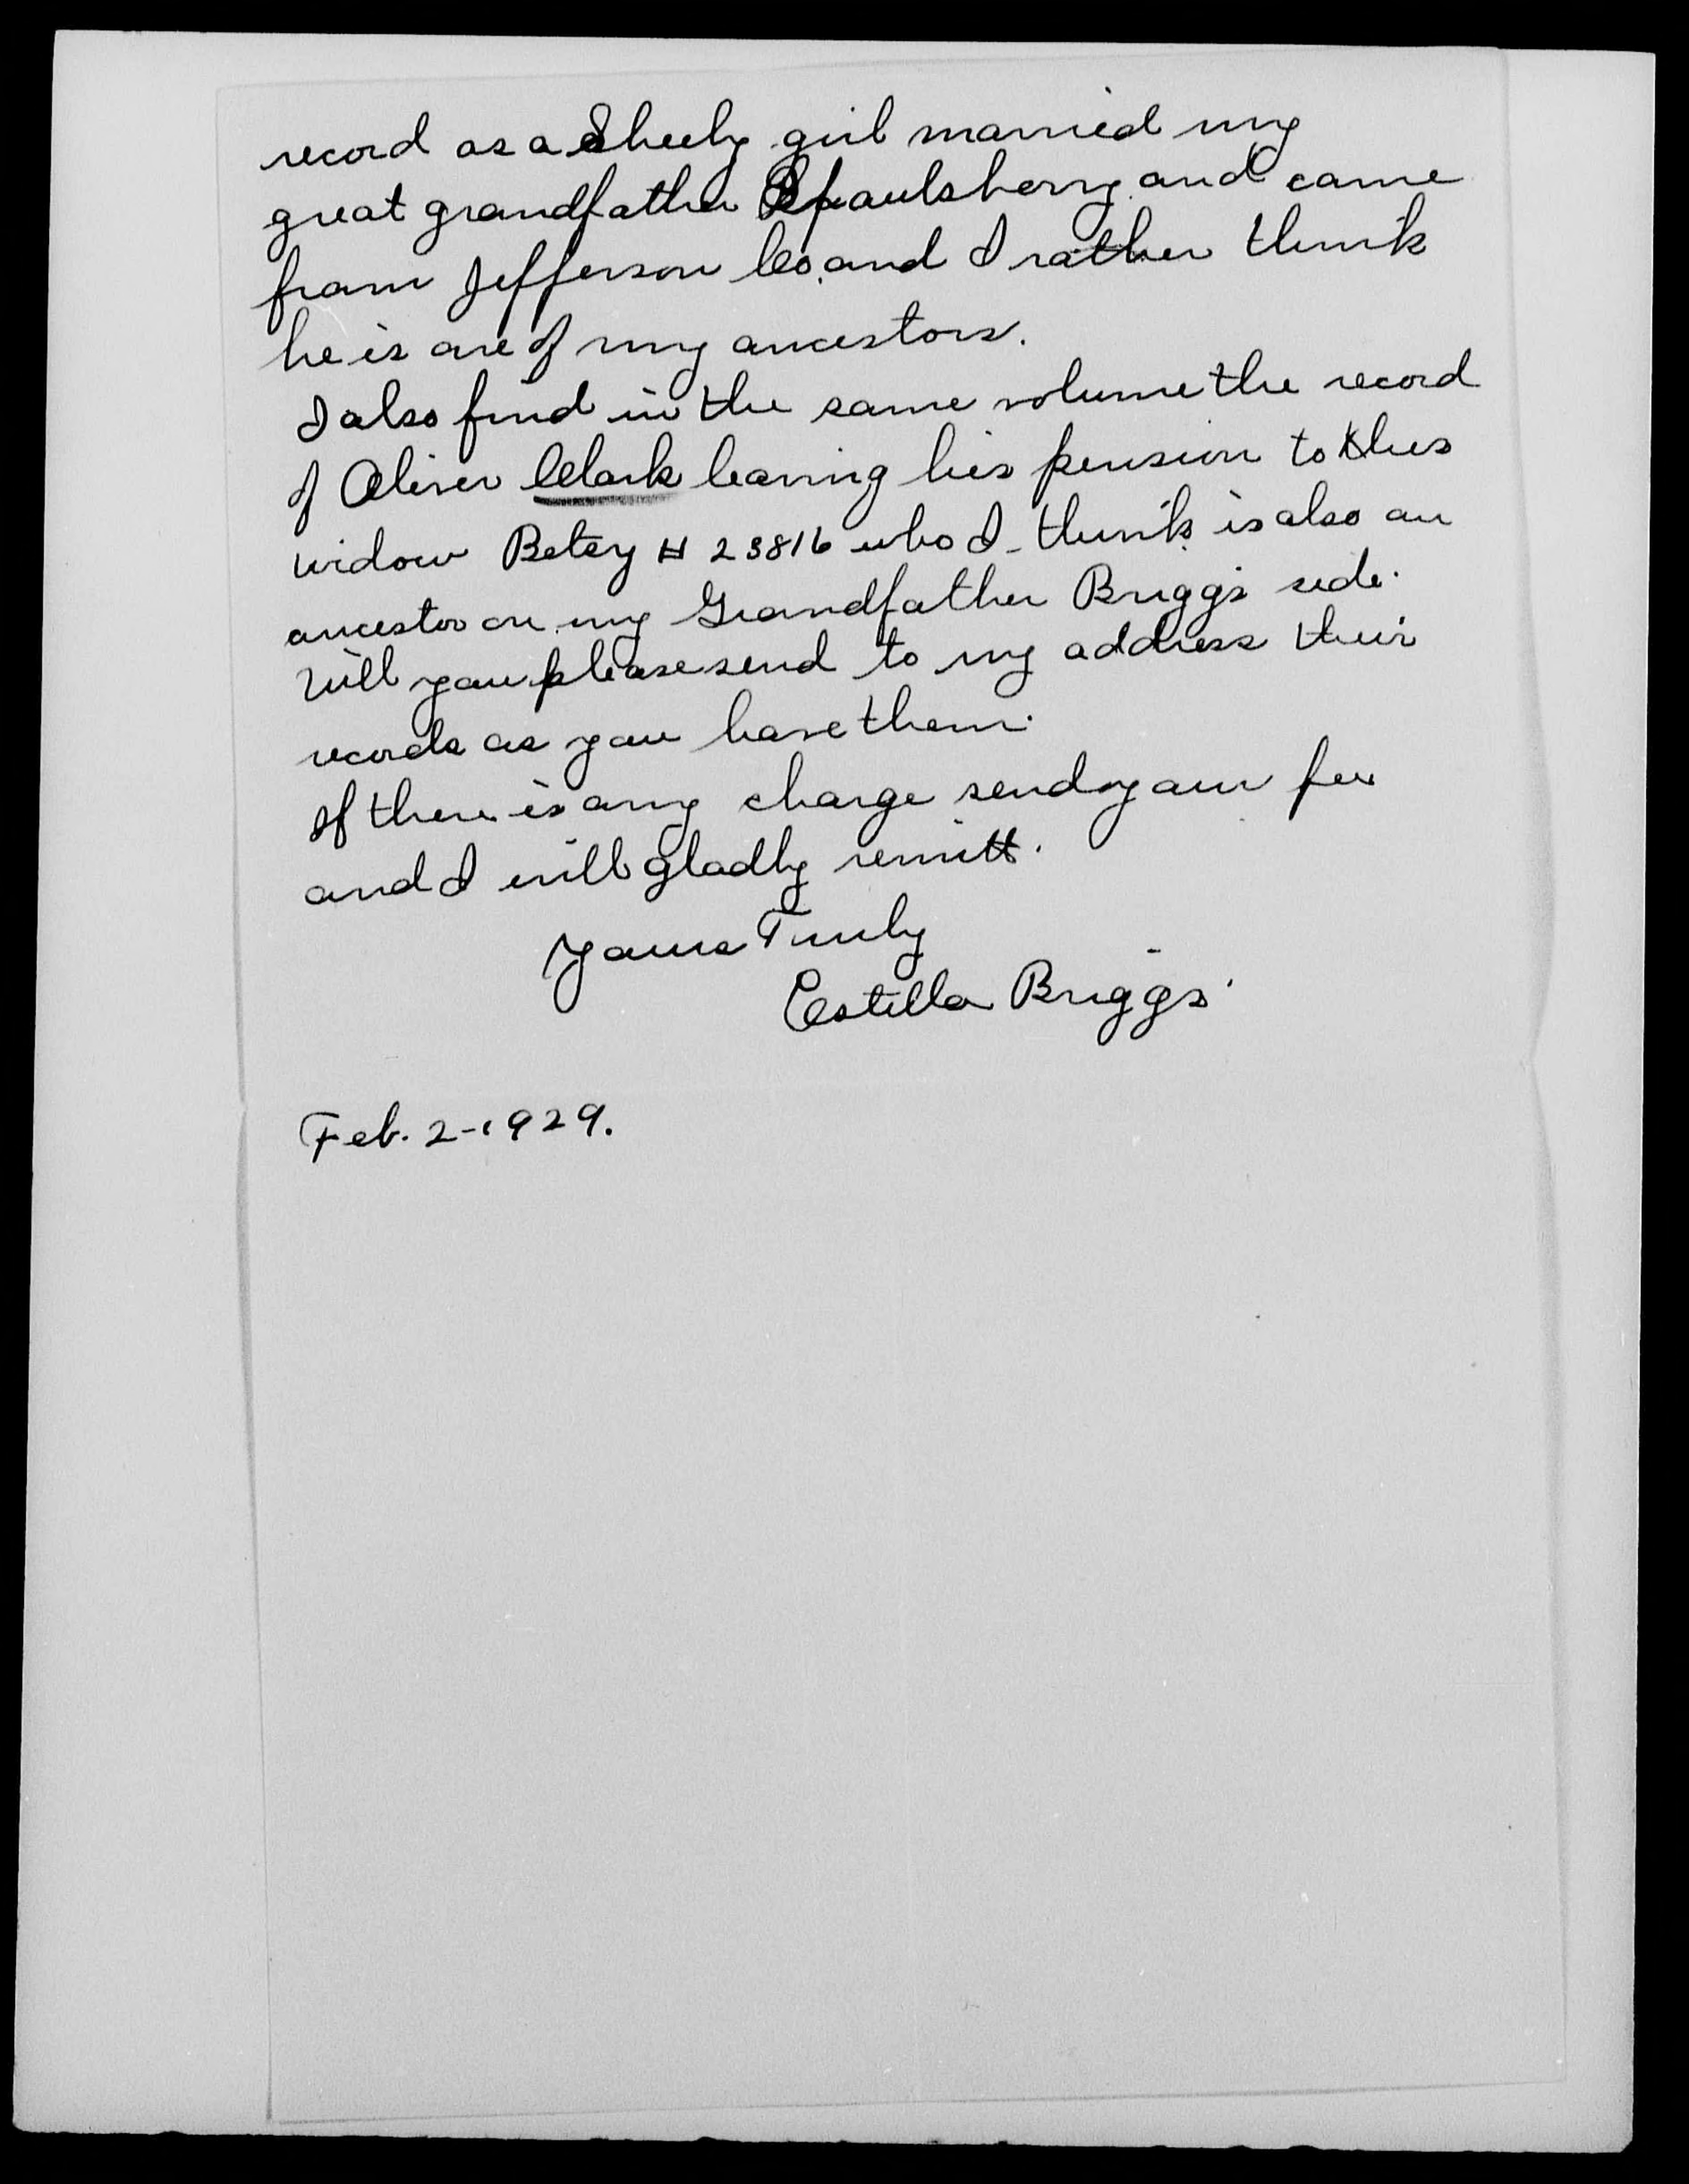[handwritten]
record as a Shelly girl married my great grandfather Paulsberg and came from Jefferson Co. and I rather think he is one of my ancestors.
I also found in the same volume the record of Oliver Clark leaving his pension to his widow Betsy #23816 who I think is also an ancestor on my Grandfather Briggs side. Will you please send to my address their records as you have time.
If there is any charge send your fee and I will gladly remitt.
Yours Truly
Estella Briggs [signed]
Feb. 2-1929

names: Oliver Clark, Estella Briggs, Briggs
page: 47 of 51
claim: widow's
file: W. 23816, Oliver Clark, Conn.